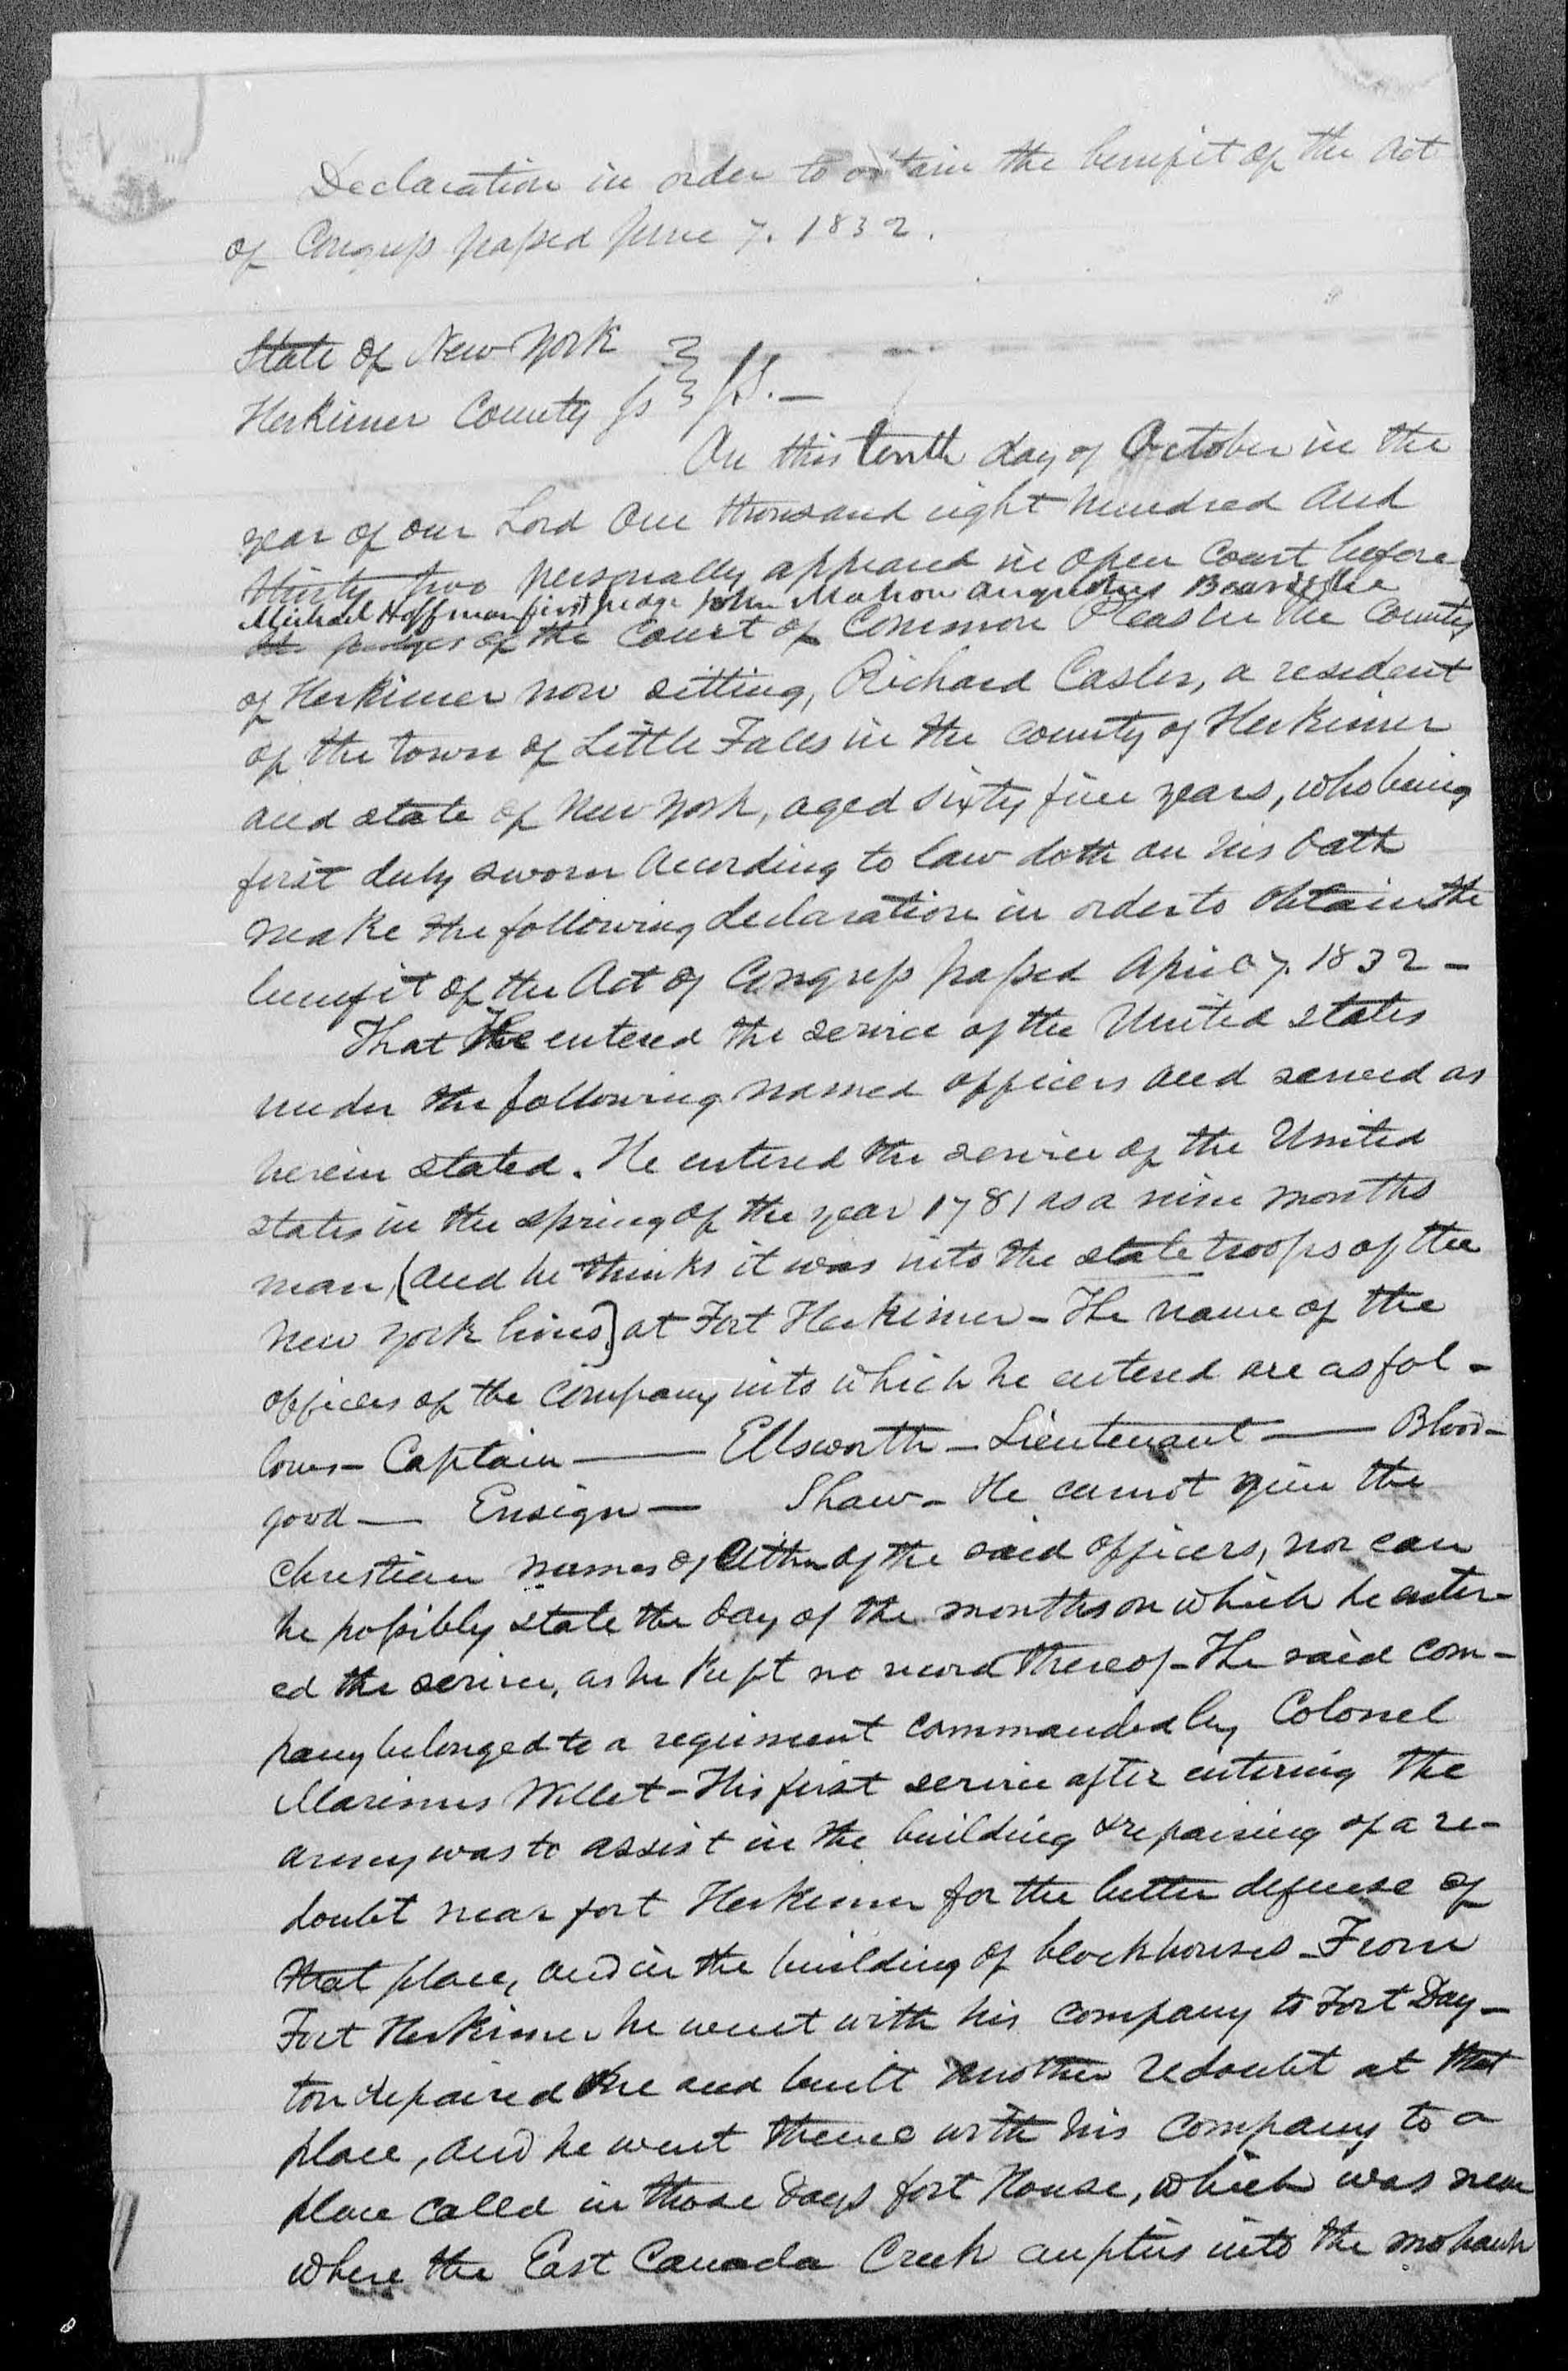Declaration in order to obtain the benefit of the act of Congress passed June 7, 1832. 
State of New York 
Herkimer County ss. }
On this tenth day of October in the year of our Lord one thousand eight hundred and thirty two personally appeared in open court before Michael Hoffman first Judge John Mahon Augustus Beardslee judges of the Court of Common Pleas in the County of Herkimer now sitting, Richard Casler, a resident of the town of Little Falls in the county of Herkimer and state of New York, aged sixty five years, who being first duly sworn according to law doth on his oath make the following declaration in order to obtain the benefit of the Act of Congress passed April 7, 1832 – 
That he entered the service of the United States under the following named officers and served as herein stated. He entered the service of the United States in the spring of the year 1781 as a nine months man, (and he thinks it was into the state troops of the New York lines,) at Fort Herkimer - The name of the officers of the company into which he entered are as follows - Captain Ellsworth – Lieutenant – Bloodgood - Ensign Shaw - He cannot give the Christian names of either of the said officers, nor can he possibly state the day of the month on which he entered the service, as he kept no record thereof - The said company belonged to a regiment commanded by Colonel Marinus Willet - His first service after entering the army was to assist in the building & repairing of a redoubt near fort Herkimer for the better defense of that place, and in the building of block houses - From Fort Herkimer he went with his company to Fort Dayton repaired one and built another redoubt at that place, and he went thence with his company to a place called in those days fort house, which was near where the East Canada Creek empties into the Mohawk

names: Ellsworth, Augustus Beardslee, Richard Casler, Bloodgood, Michael Hoffman, Marinus Willet, John Mahon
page: 4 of 66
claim: widow's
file: W. 6637, Richard Caslar, New York